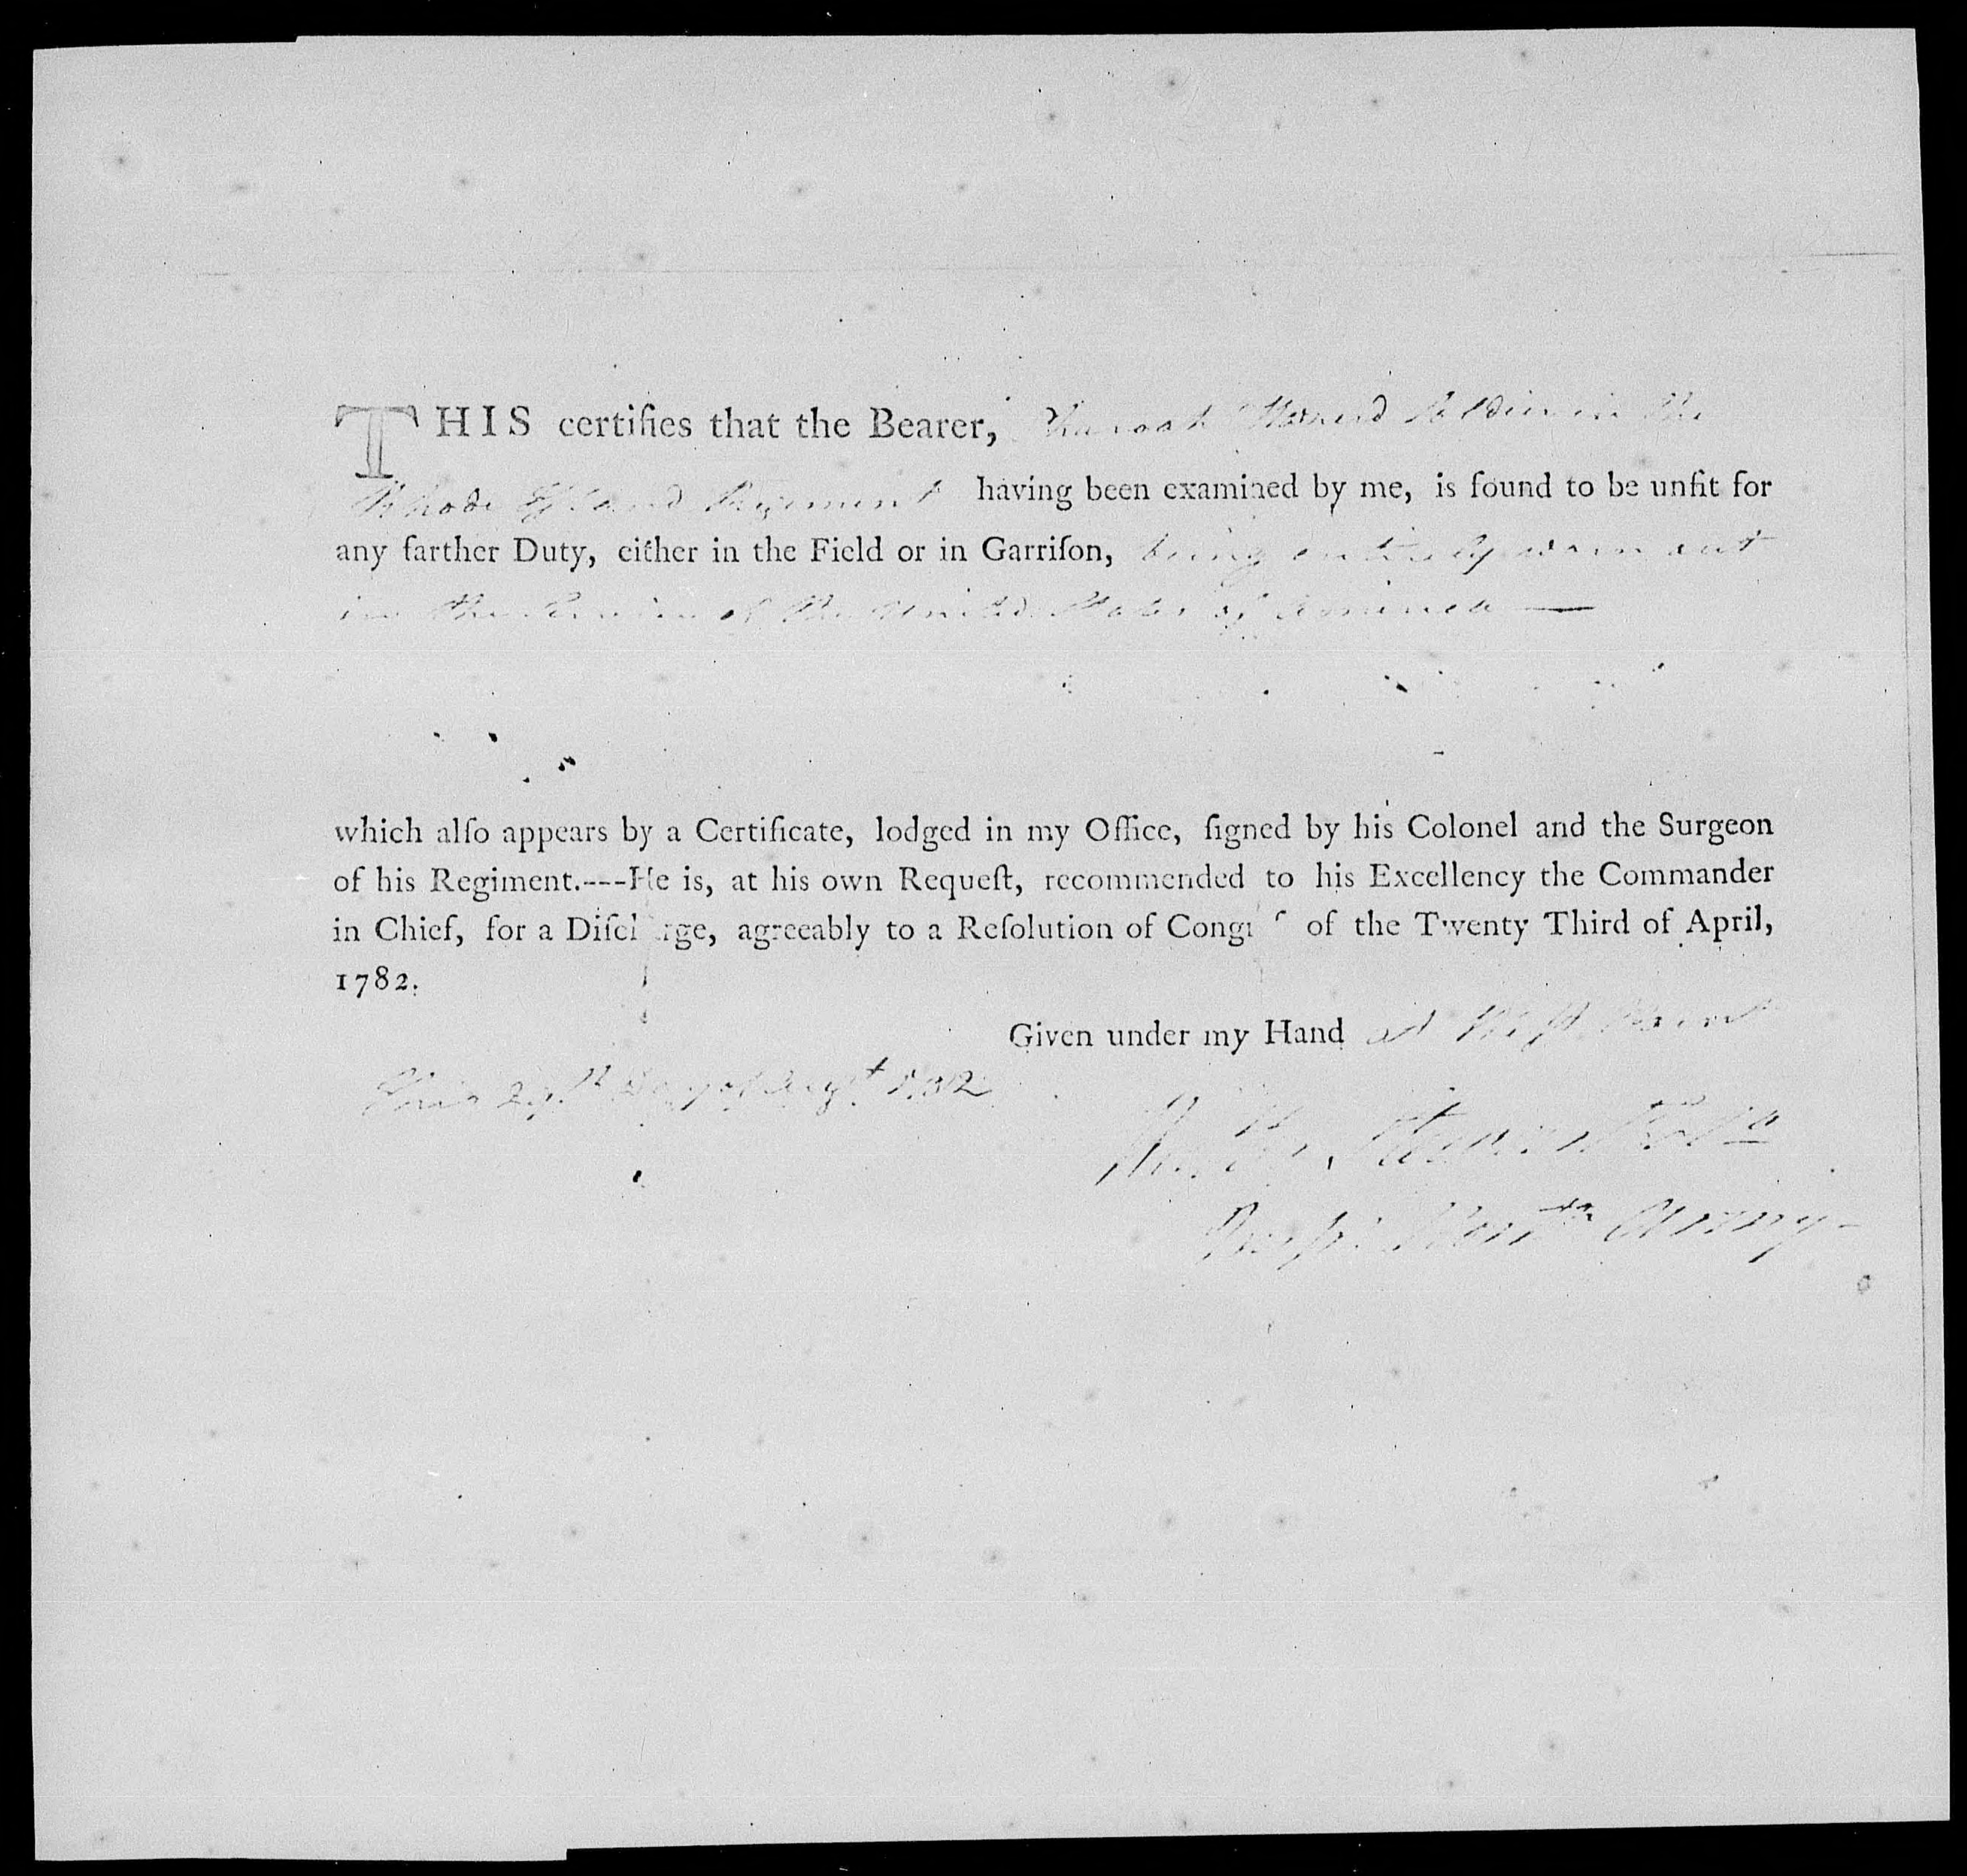THIS certifies that the Bearer, Pharoah Hazerd A soldier in the Rhode Island Regiment having been examined by me, is found to be unfit for any farther Duty, either in the Field of in Garrison being entirely [illegible] in the Revolution of the United States of America which also appears by a Certificate, lodgedin my Office, signed by his Colonel and the Surgeon of his Regiment. --- He is, at his own Request, recommended to his Excellency the Commander in Chief, for a Discharge, agreeably to a Resolution of Congress of the Twenty Third of April, 1782. Given under my Hand at West Point this 29th Day of Augt. 1782 [illegible] Army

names: Pharoah Hazard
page: 5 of 7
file: Rej. B. L., Pharaoh Hazerd, R.I.